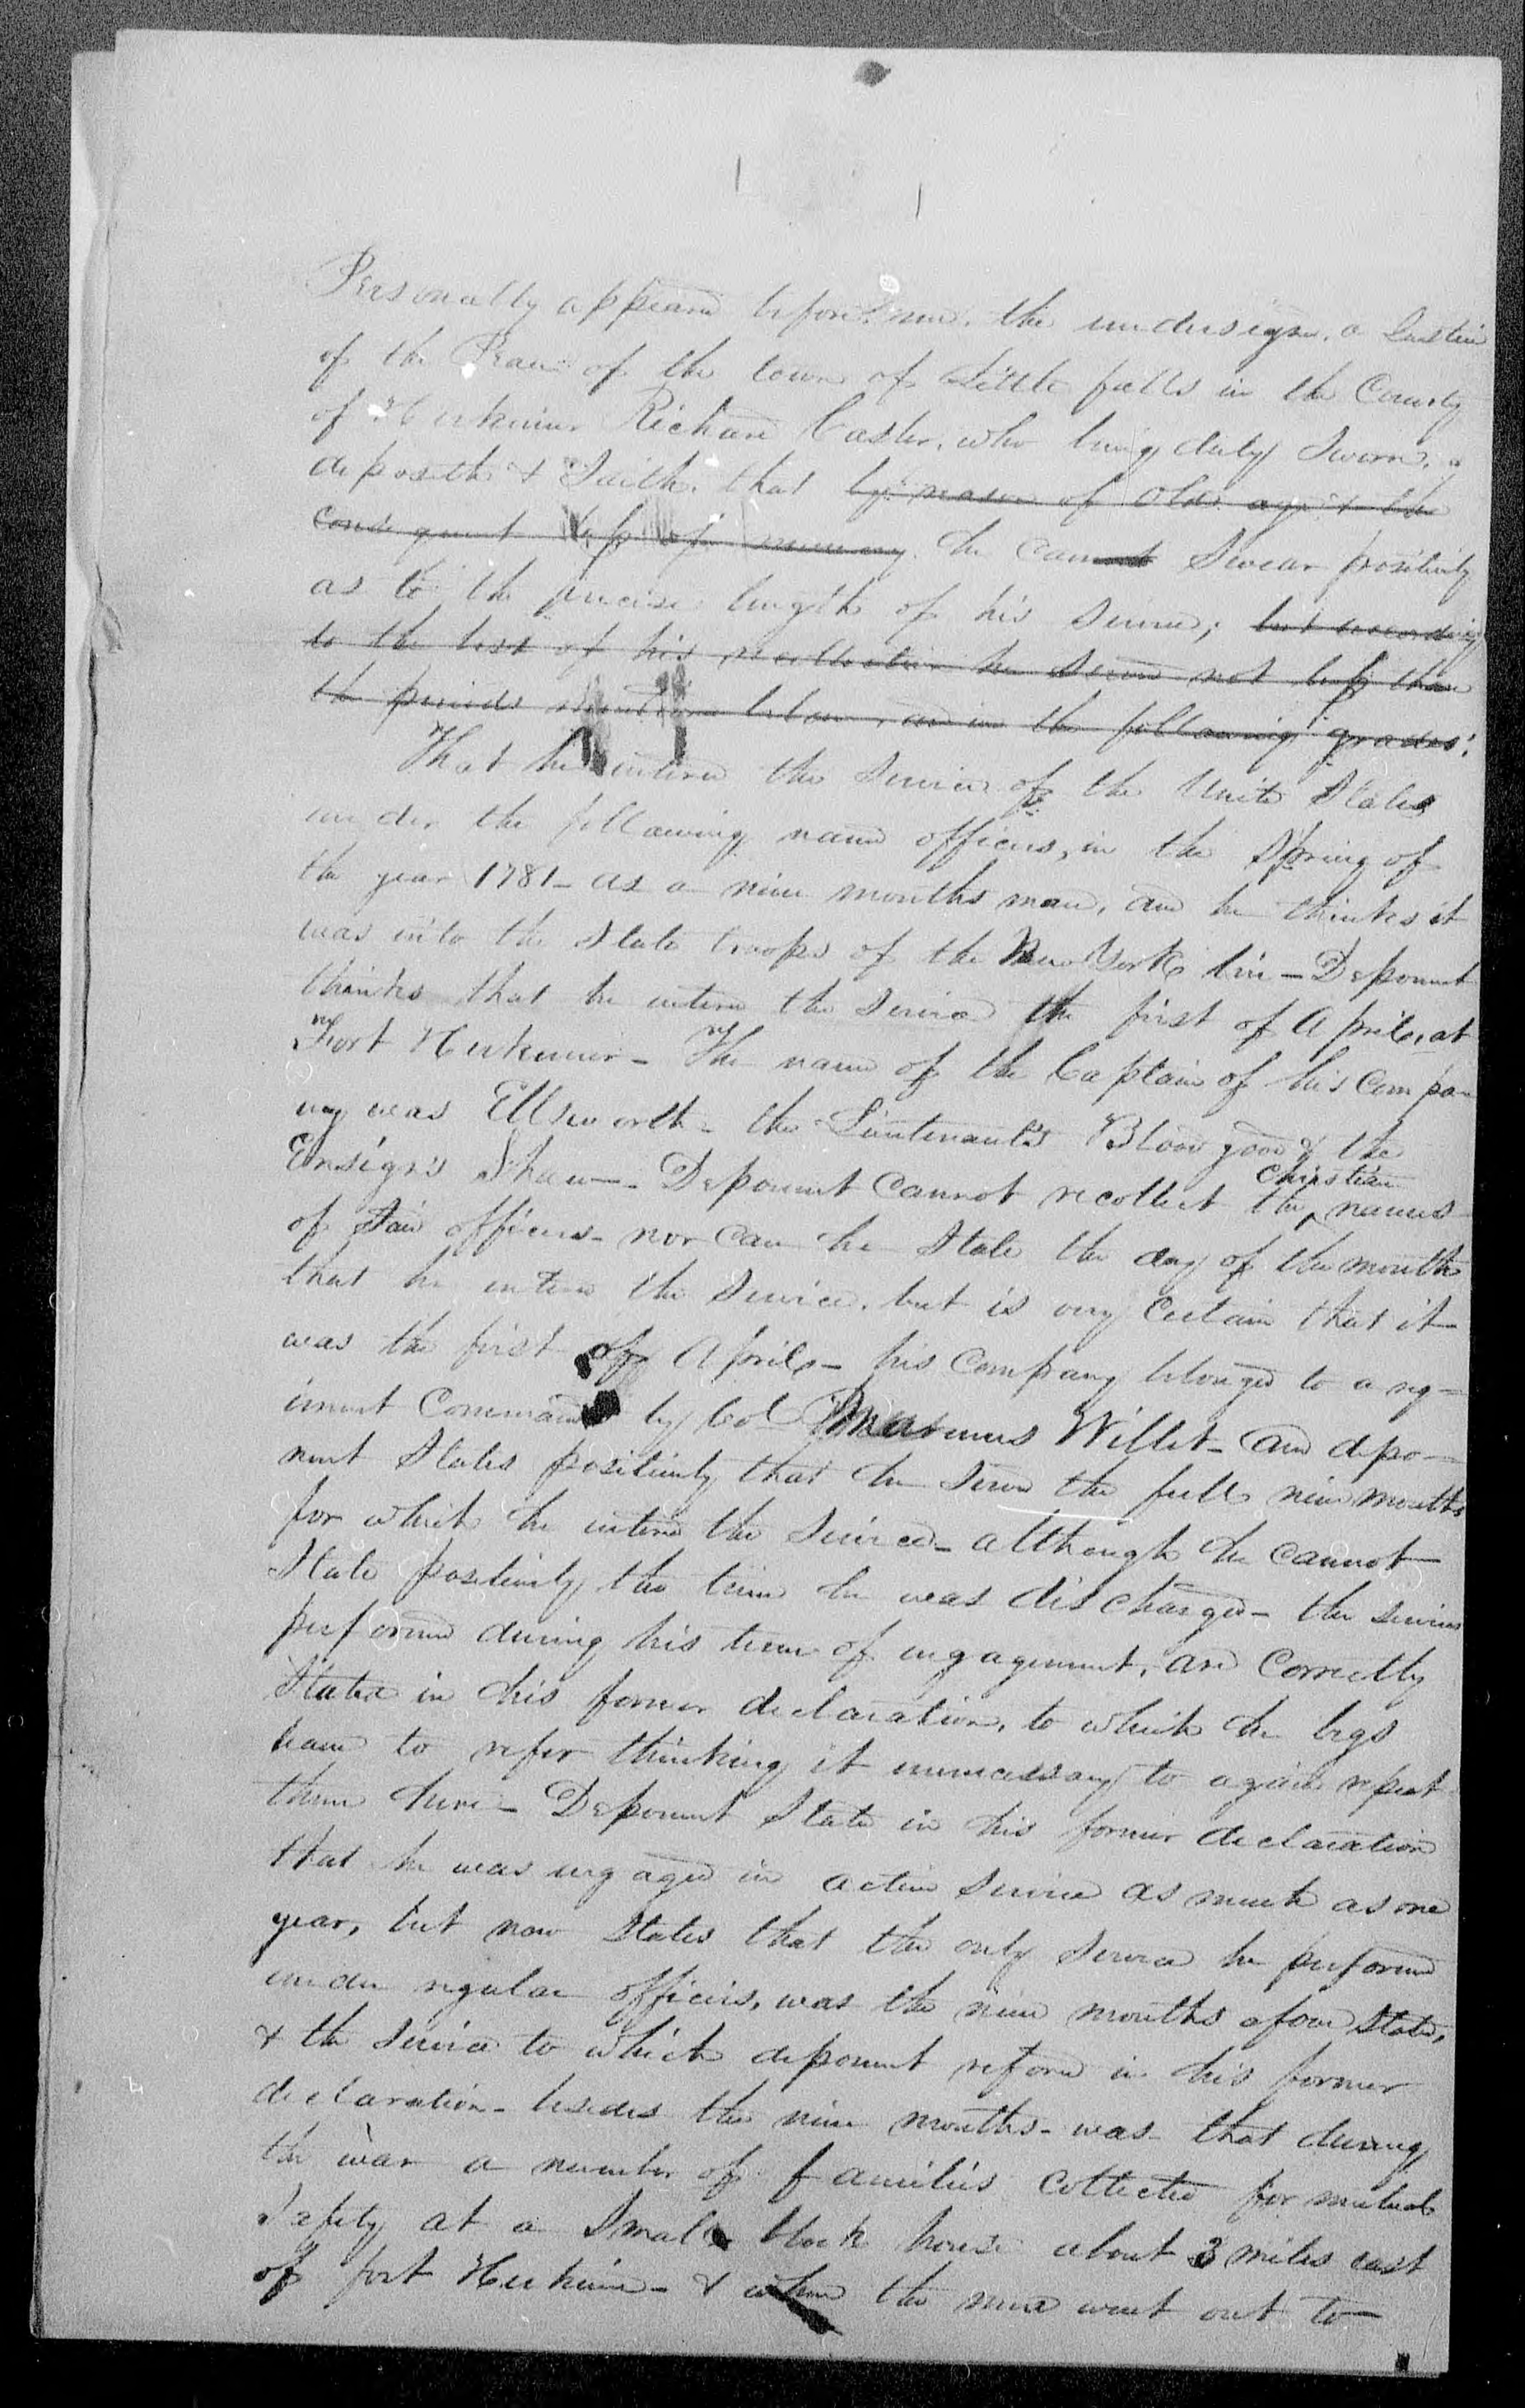Personally appeared before me the undersigned a Justice of the Peace of the town of Little falls in the County of Herkimer Richard Casler who being duly sworn deposeth & saith that he can swear positively as to the precise length of his service; 
That he entered the service of the United States under the following named officers, in the spring of the year 1781 - as a nine months man, and he thinks it was into the State troops of the New York line - Deponent thinks that he entered the service the first of April, at Fort Herkimer - The name of the Captain of his Company was Ellsworth - the Lieutenant’s Bloodgood & the Ensign’s Shaw - Deponent cannot recollect the Christian names of said officers - nor can he state the day of the month that he entered the service, but is very certain that it was the first of April - his company belonged to a regiment commanded by Col Marinus Willet - and deponent states positively that he served the full nine months for which he entered the service - although he cannot state positively the time he was discharged - the services performed during his term of engagement, are correctly stated in his former declaration, to which the begs leave to refer thinking it unnecessary to again repeat them here - Deponent stated in his former declaration that he was engaged in active service as much as one year, but now states that the only service he performed under regular officers, was the nine months afore stated, & the service to which deponent referred in his former declaration - besides the nine months - was that during the war a number of families collected for mutual safety at a small block house about 3 miles east of fort Herkimer - & when the men went out to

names: Bloodgood, Christian, Richard Casler, Shaw, Marenus Willet, Ellsworth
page: 49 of 66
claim: widow's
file: W. 6637, Richard Caslar, New York